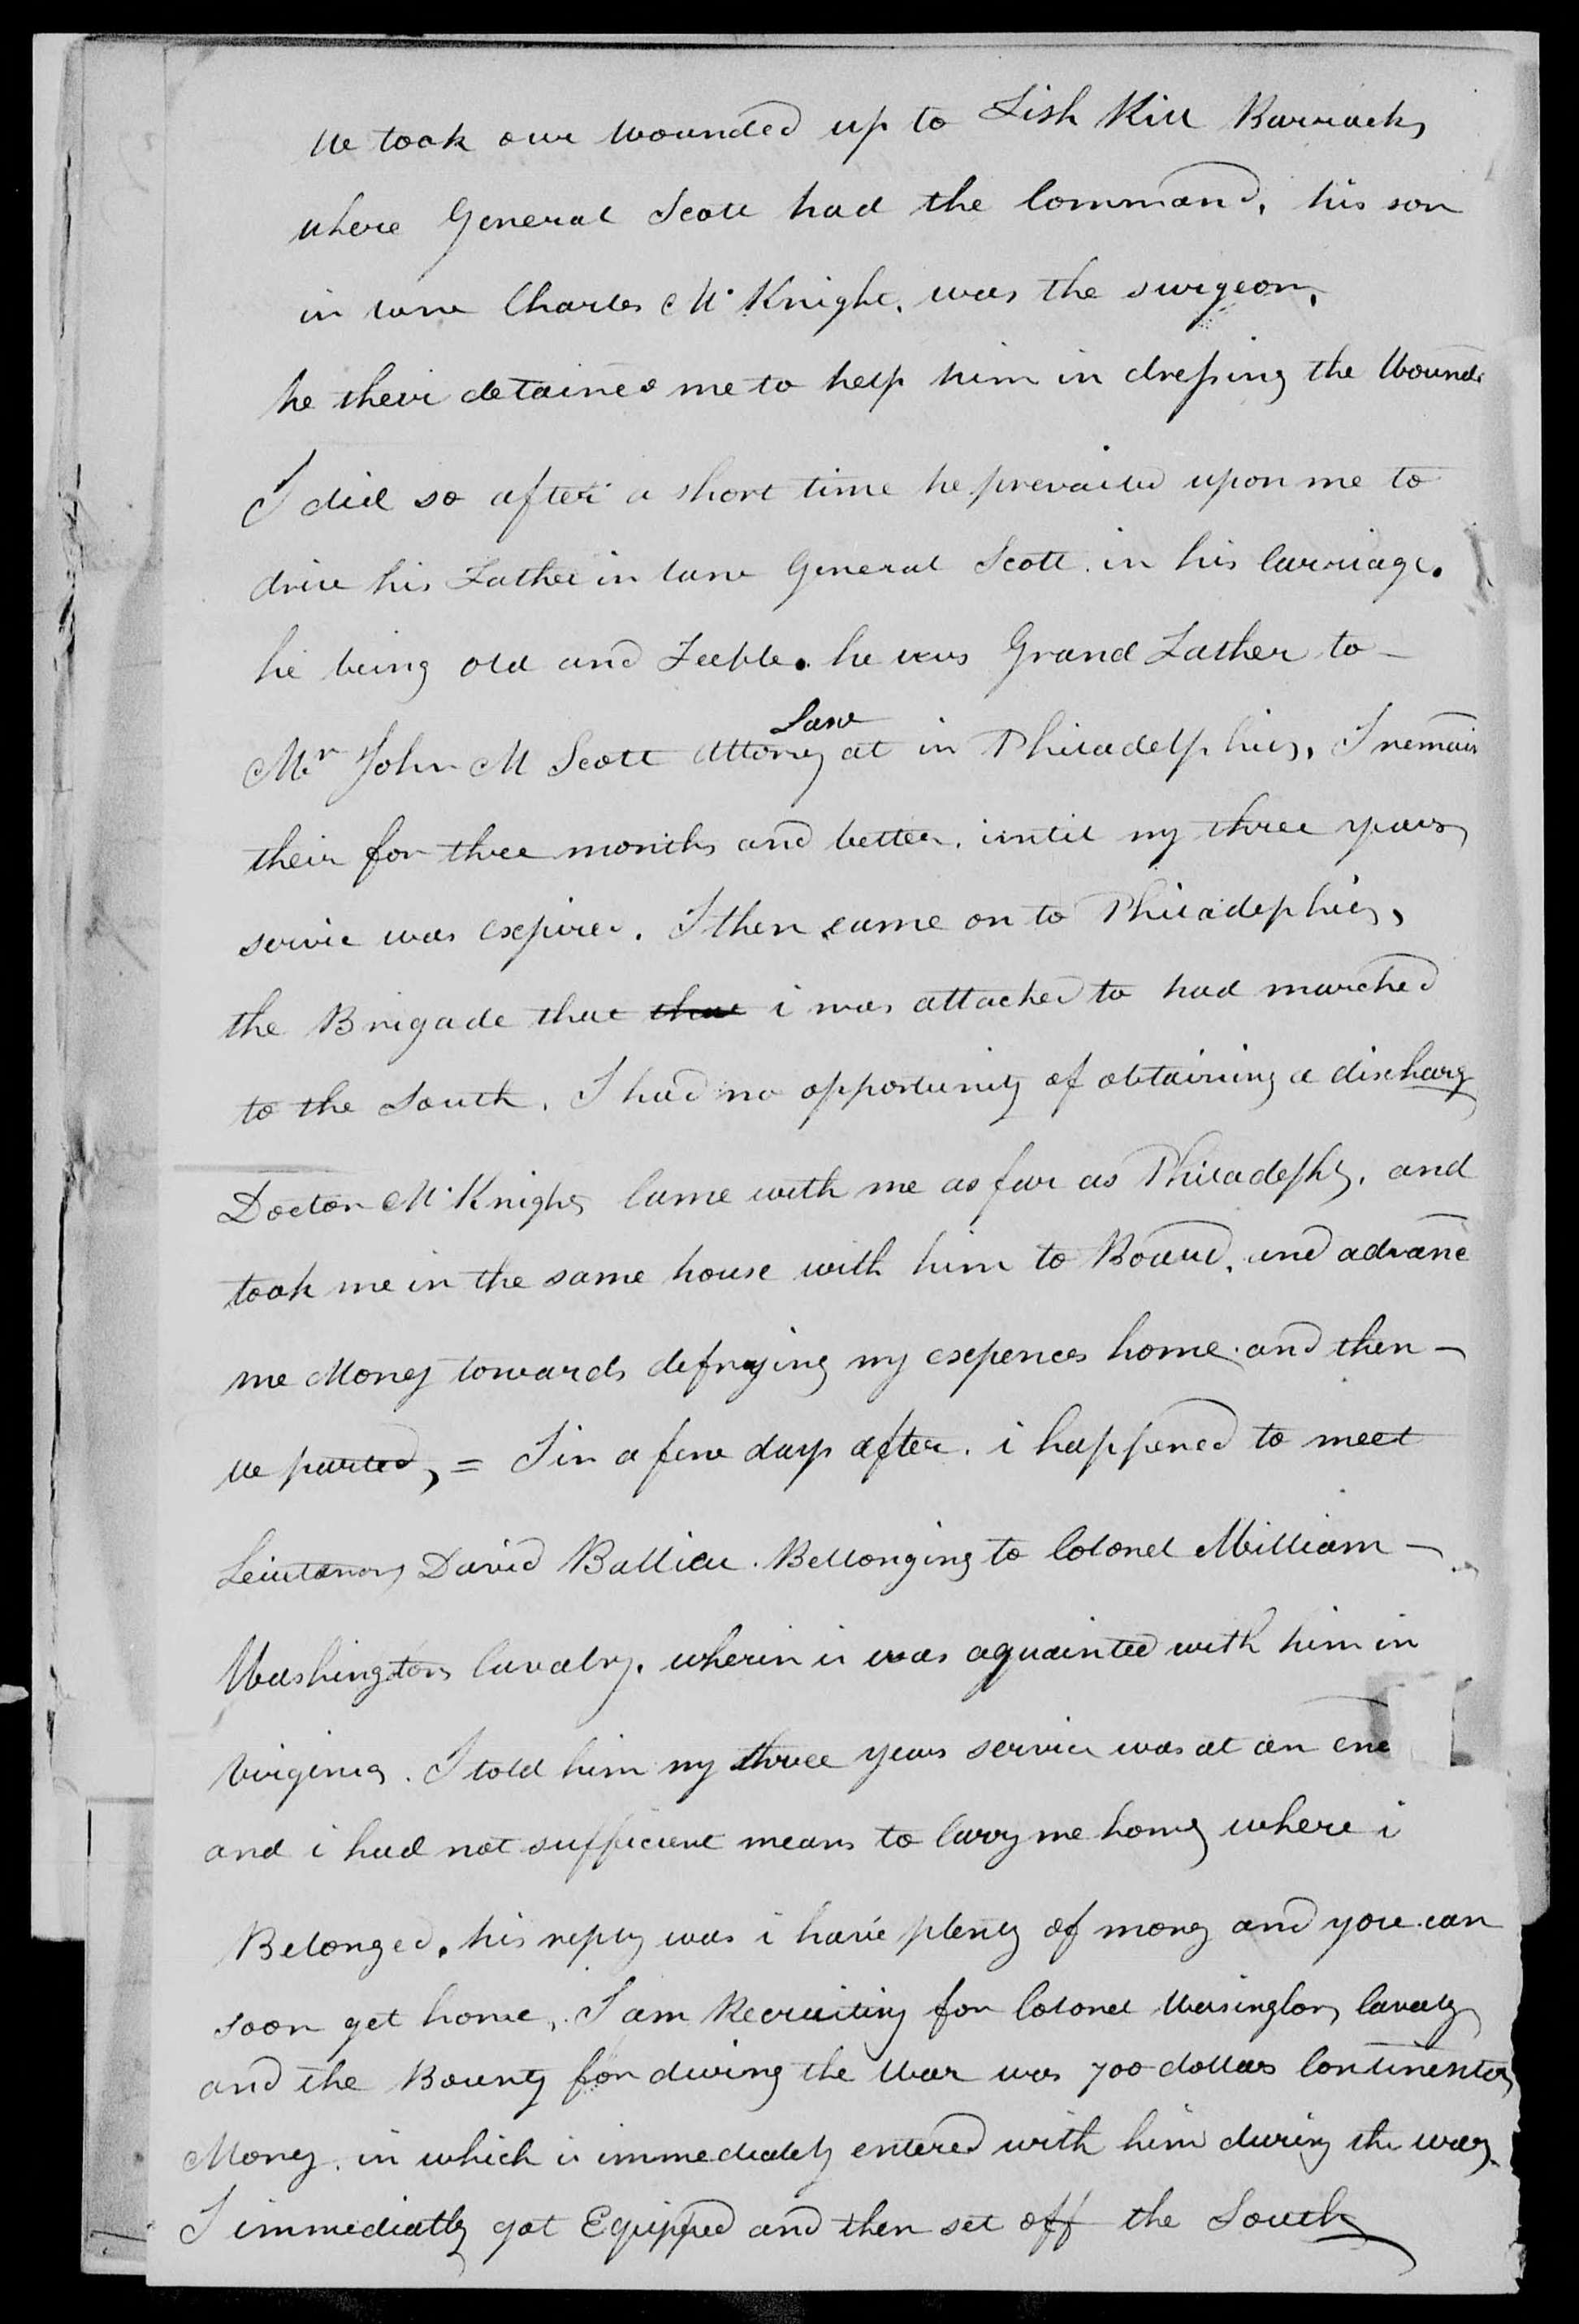We took our wounded up to Fish River Brunswick, where General Scott had the [Illegible], his son in law Charles H. Knight, was the surgeon, he there detained me to help him in dressing the wounded. 
I do so after a short time he prevailed upon me to drive his father in law, General Scott, in his carriage, he being old and feeble. He was grandfather to Mr. John M. Scott, Attorney at Law in Philadelphia. I remained there for three months and better, until my three years service was expired. I then cam on to Philadelphia, the Brigade I was attached to had marched to the South. I had no opportunity at obtaining a discharge from Doctor C. H. Knight, [who] came with me as far as Philadelphia, and took in the same house with him to bound and advance me money toward [offsetting] my expenses home and then we parted ways a few days after. I happened to meet Lieutenant David Ballieu, belonging to Colonel William Washington’s Cavalry, wherein I was once acquiainted with him in Virginia. I told him my three years service was at an [Illegible] and I had not sufficient means to carry me home where I belonged. His reply was I have plenty of money and you can seen get home. I am recruiting for Col. Washington’s Cavalry and the Bounty for during the war was 700 dollars Continental Money in which I immediately entered with him during the war. I immediately got equipped and then set off [to] the South.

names: Scott, Charles Mc Knight, Mc Knight, David Ballieu, Scott, John M Scott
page: 39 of 51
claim: widow's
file: W 8939, George Hood, Continental Va.